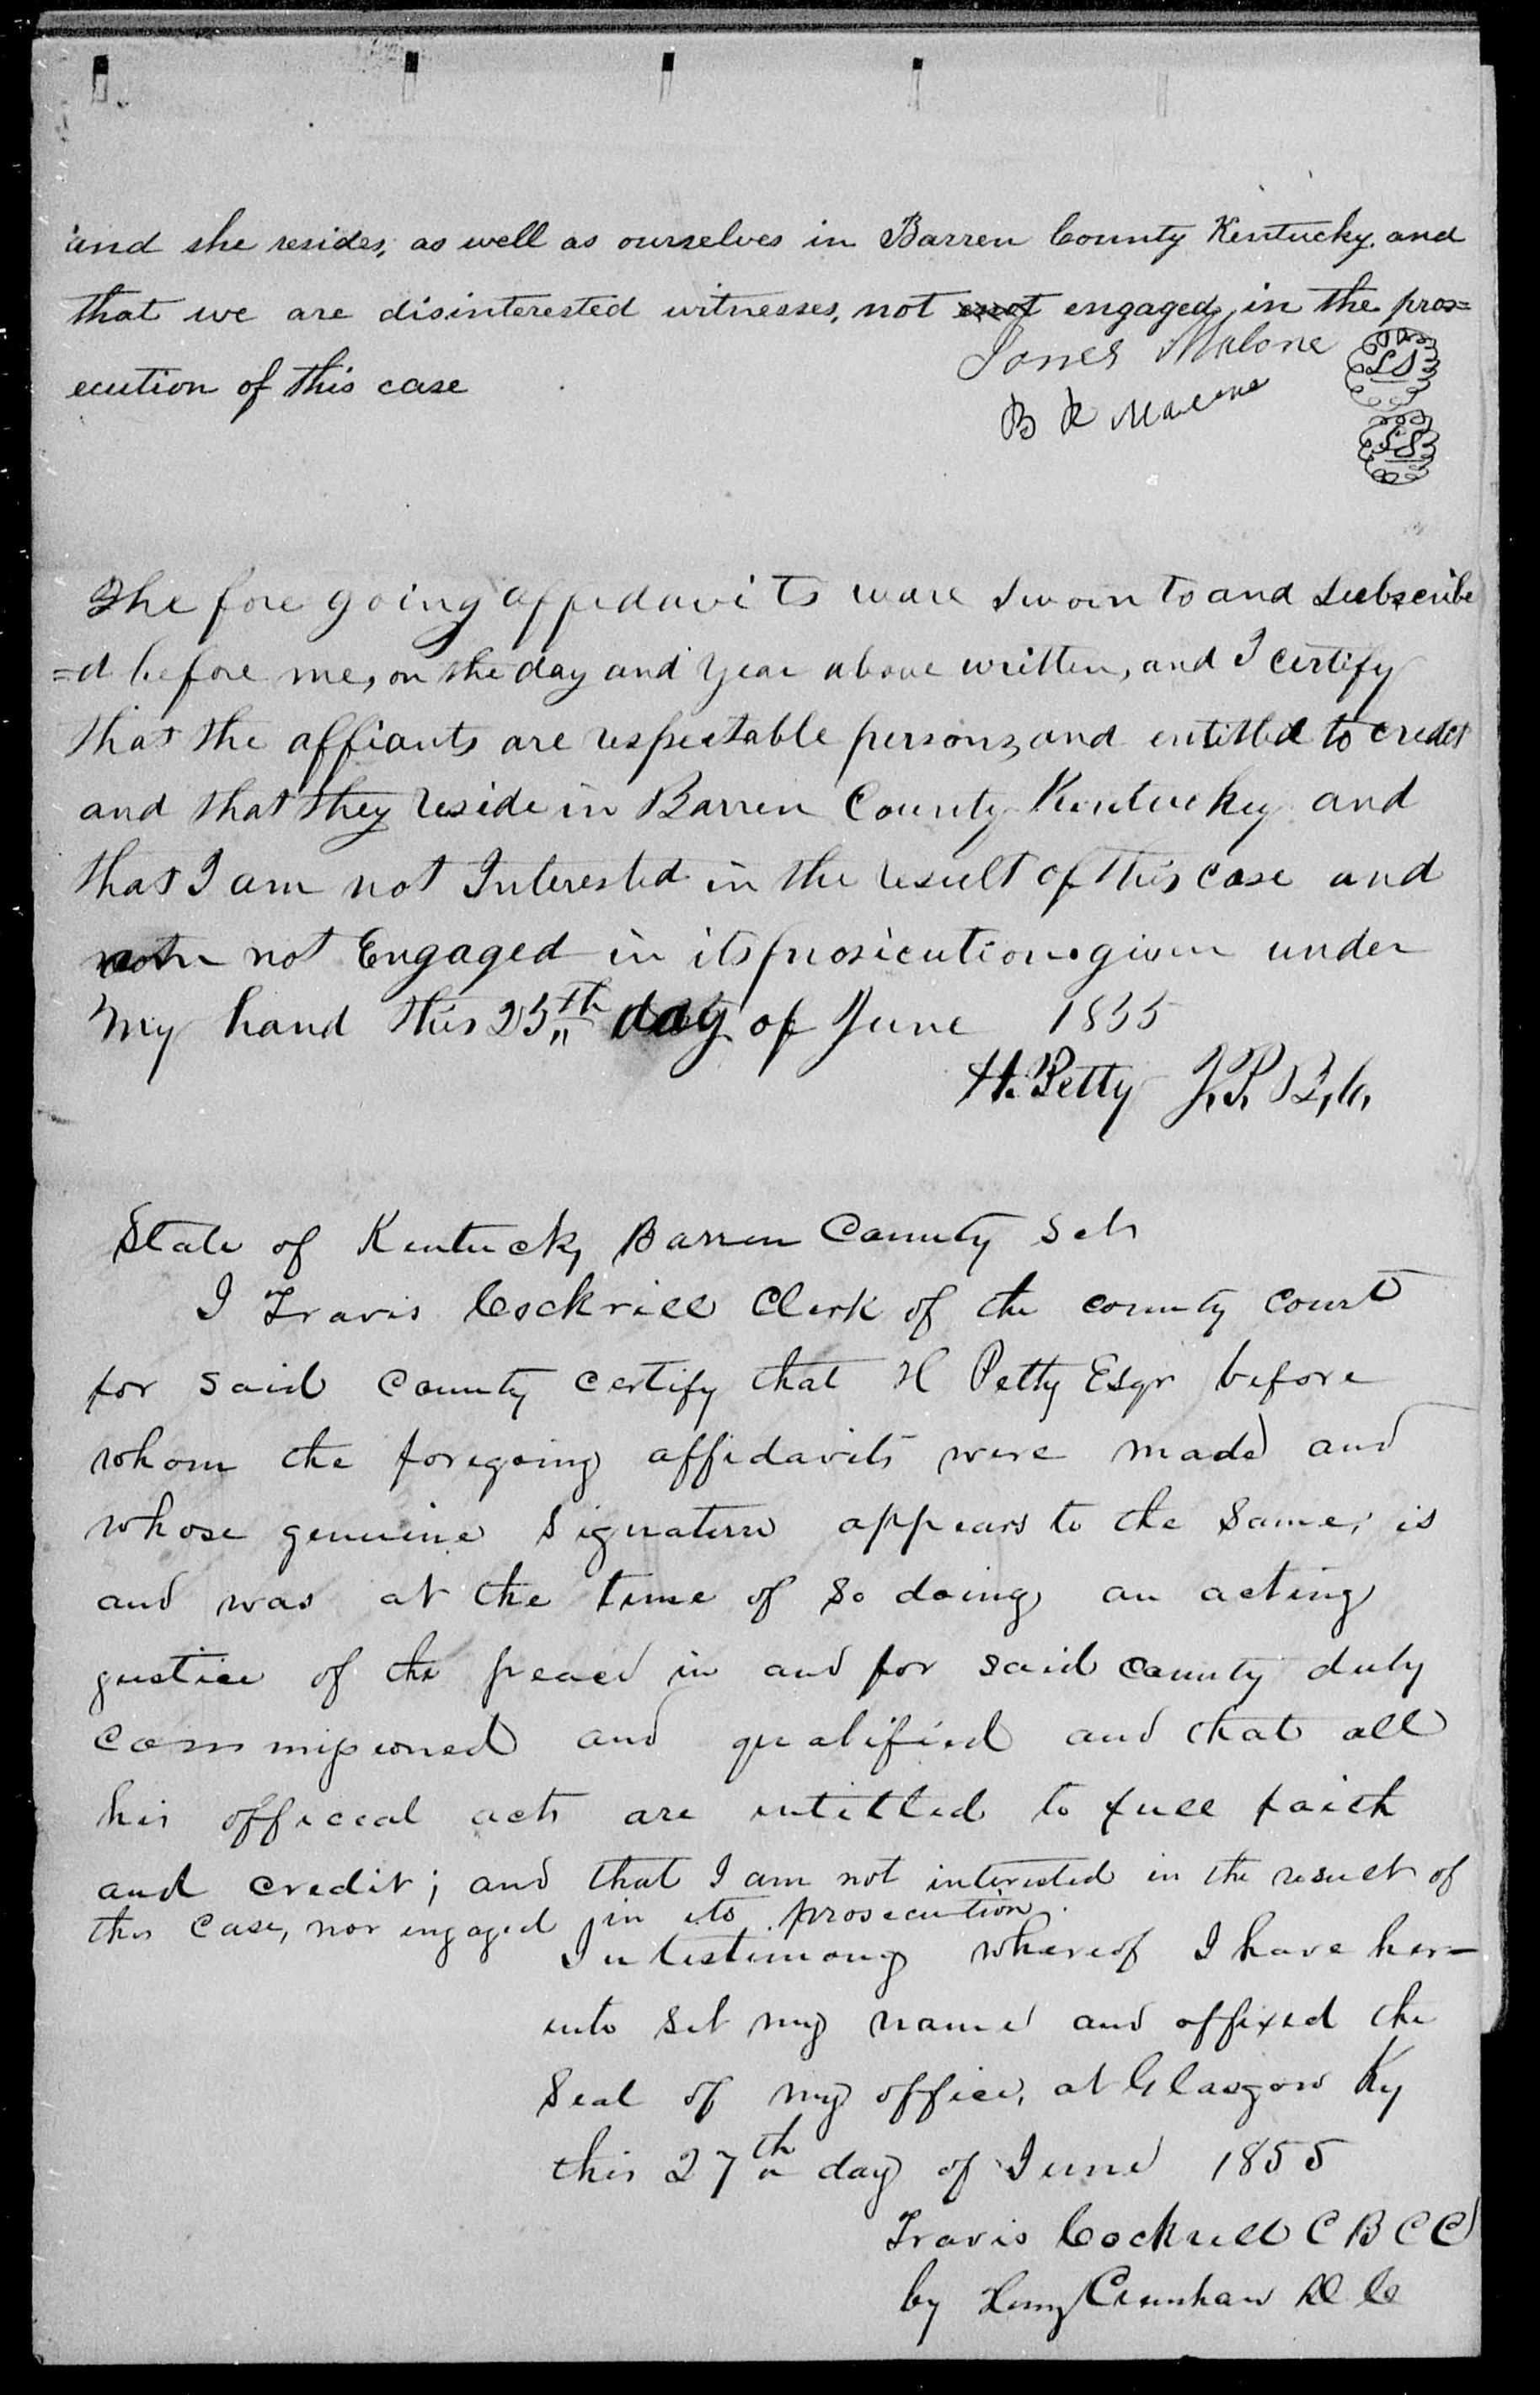and she resides, as well as ourselves in Barren County Kentucky, and that we are disinterested witnesses, not engaged in the prosecution of this case
Jones Malone
BR Malone

The foregoing affidavits were sworn to and subscribed before me on the day and year above written, and I certify that the affiants are respectable persons and entitled to credit and that they reside in Barren County Kentucky and that I am not interested in the result of this case and not engaged in its prosecution given under my hand this 25th day of June 1855
H. Petty J.P.

State of Kentucky Barren County Sct
I Travis Cockrill Cleark of the County Court for said County certify that H. Petty Esqr. before whom the foregoing affidavits were made and whose genuine signature appears to the same, is and was at the time of so doing and acting justice of the peace in and for said county duly commissioned and qualified and that all his official acts are entitiled to full faith and credit; and that I am not interested in the result of this case, nor engaged in its prosecution.
In testimony whereof I have hereunto set my hand and affixed the seal of my office, at Glasgow Ky this 27th day of June 1855
Travis Cockrill CBCC
by Henry Crenshaw D.C.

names: Henry Cranhan, B R Malone, H Petty, Jones Malone, Travis Cockrill, Travis Cockrill, H Petty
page: 37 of 82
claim: widow's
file: W. 7,522, John Giles, N.C.